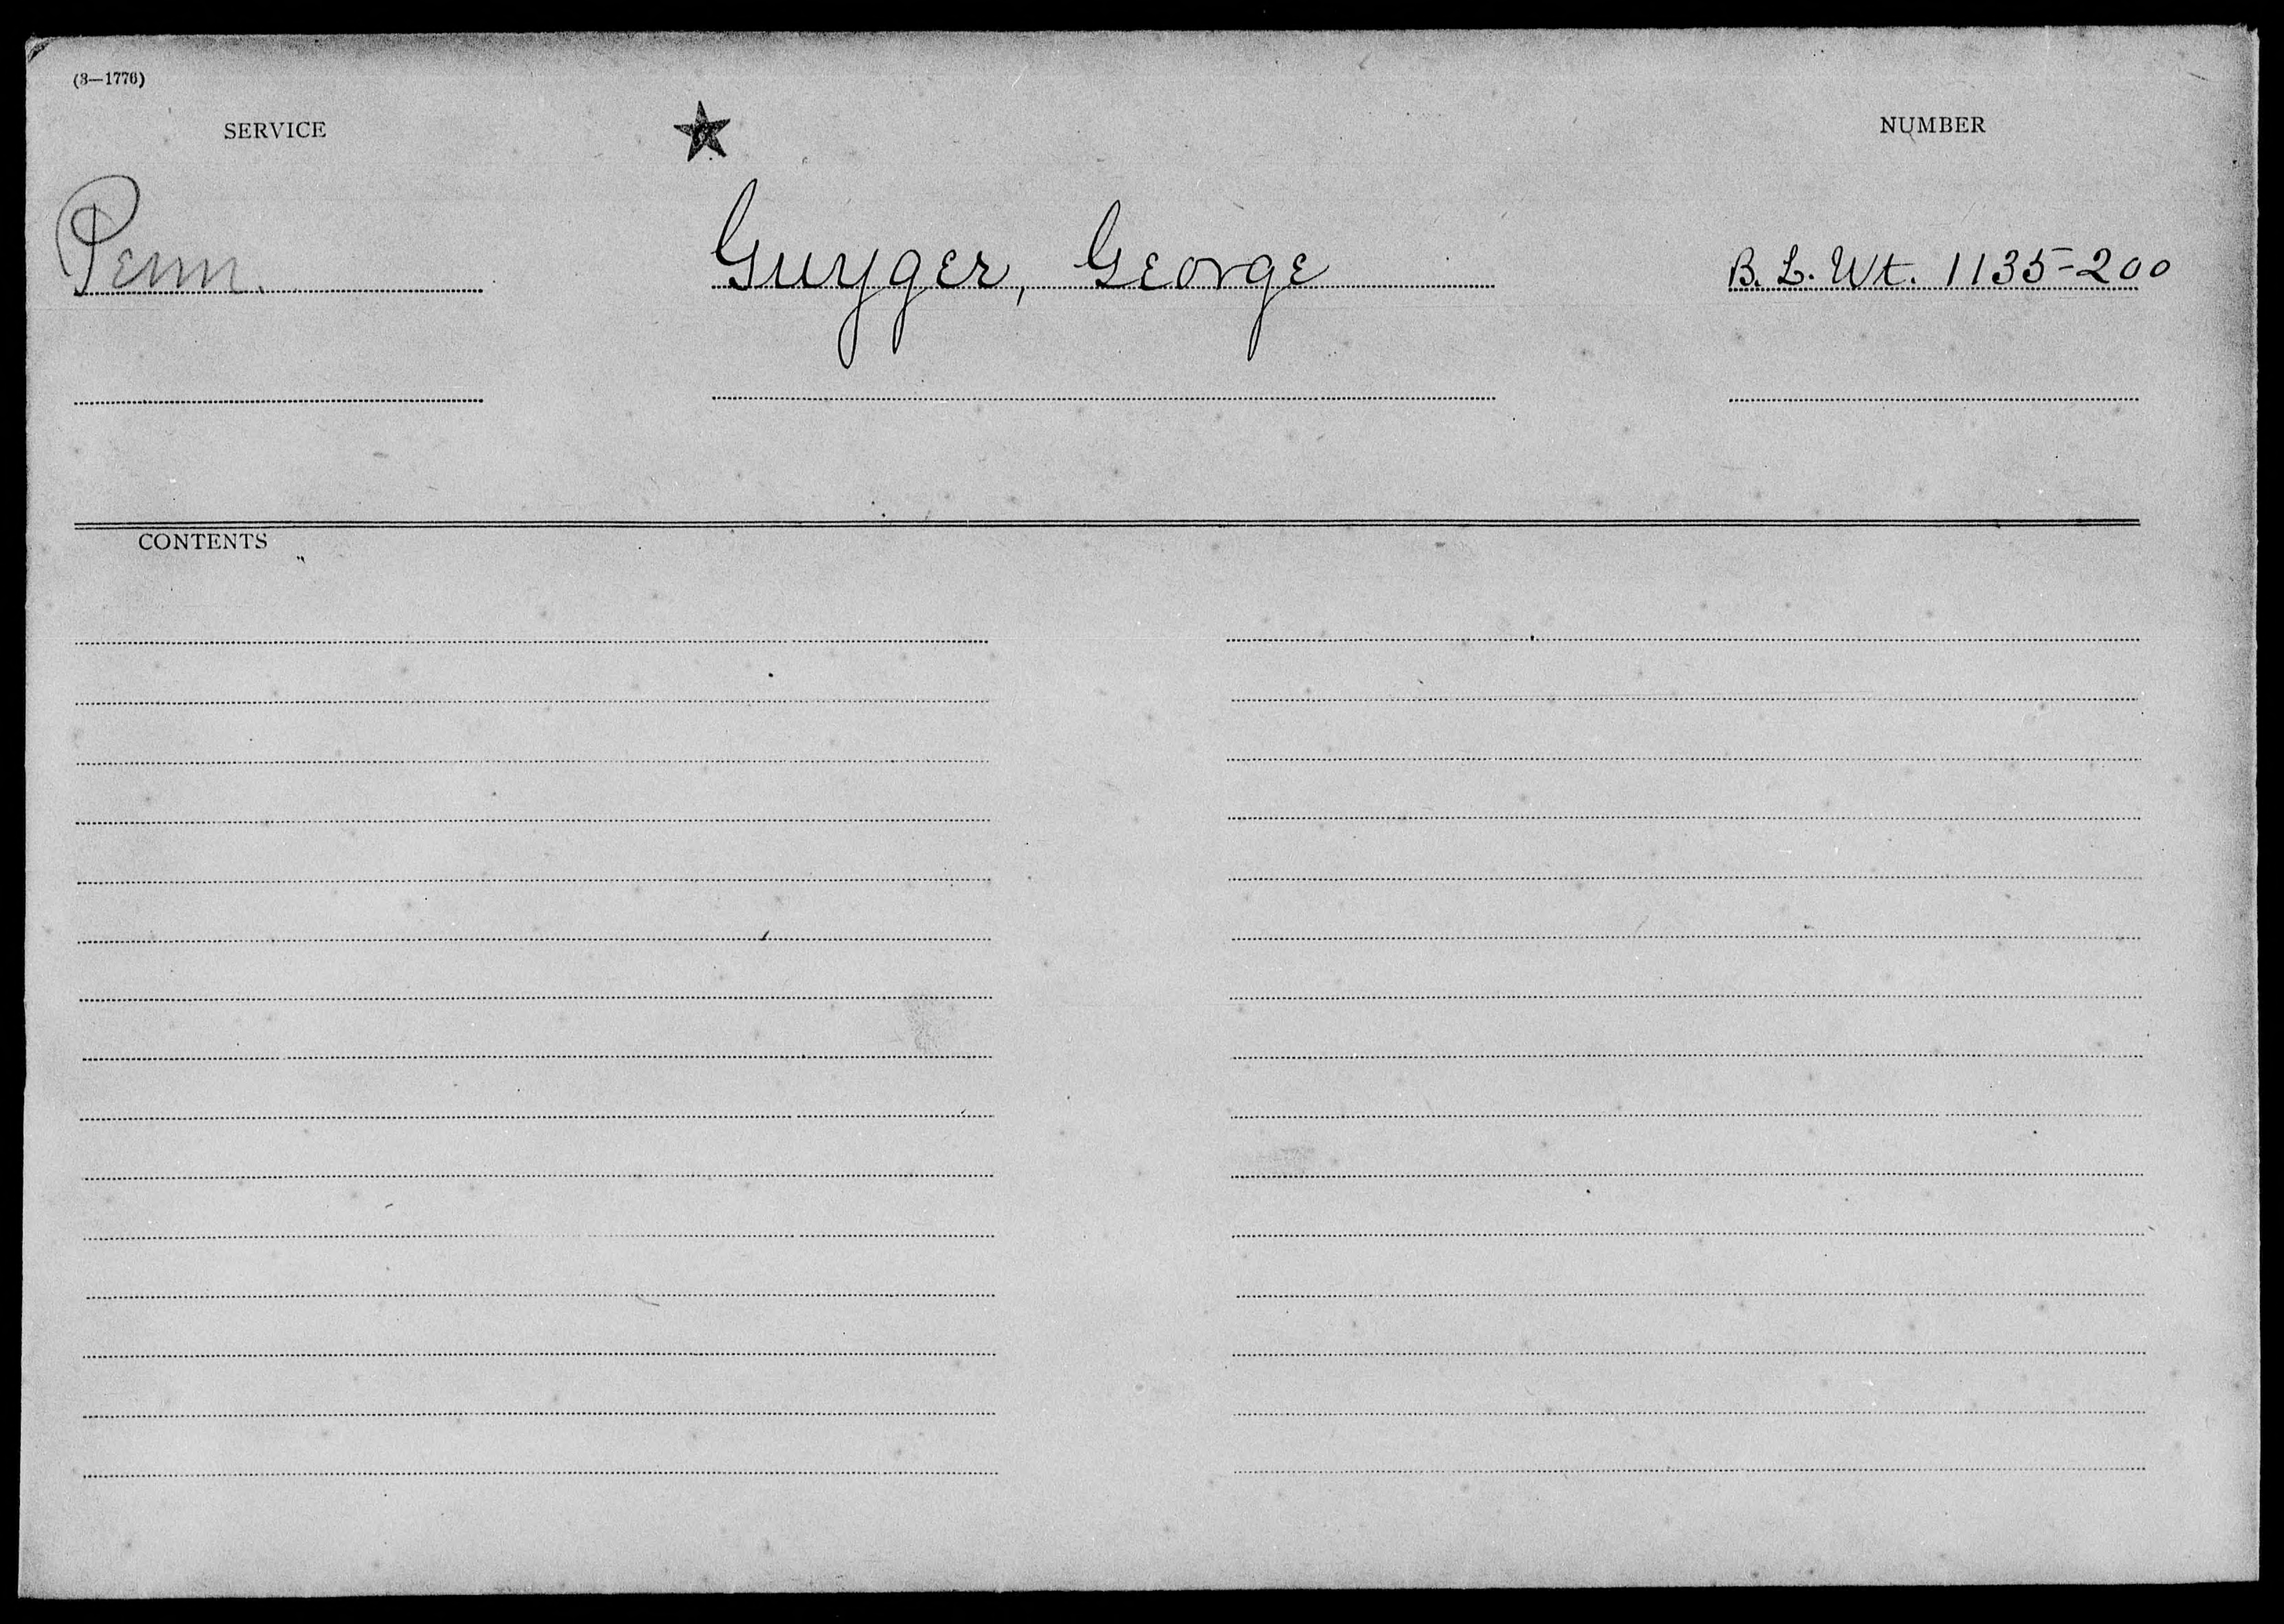(3-1776)

SERVICE
Penn

Guyger, George

NUMBER
B.L. Wt 1135-200

CONTENTS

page: 1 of 5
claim: bounty land warrant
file: B.L.Wt. 1135-200, George Guyger, Penn.